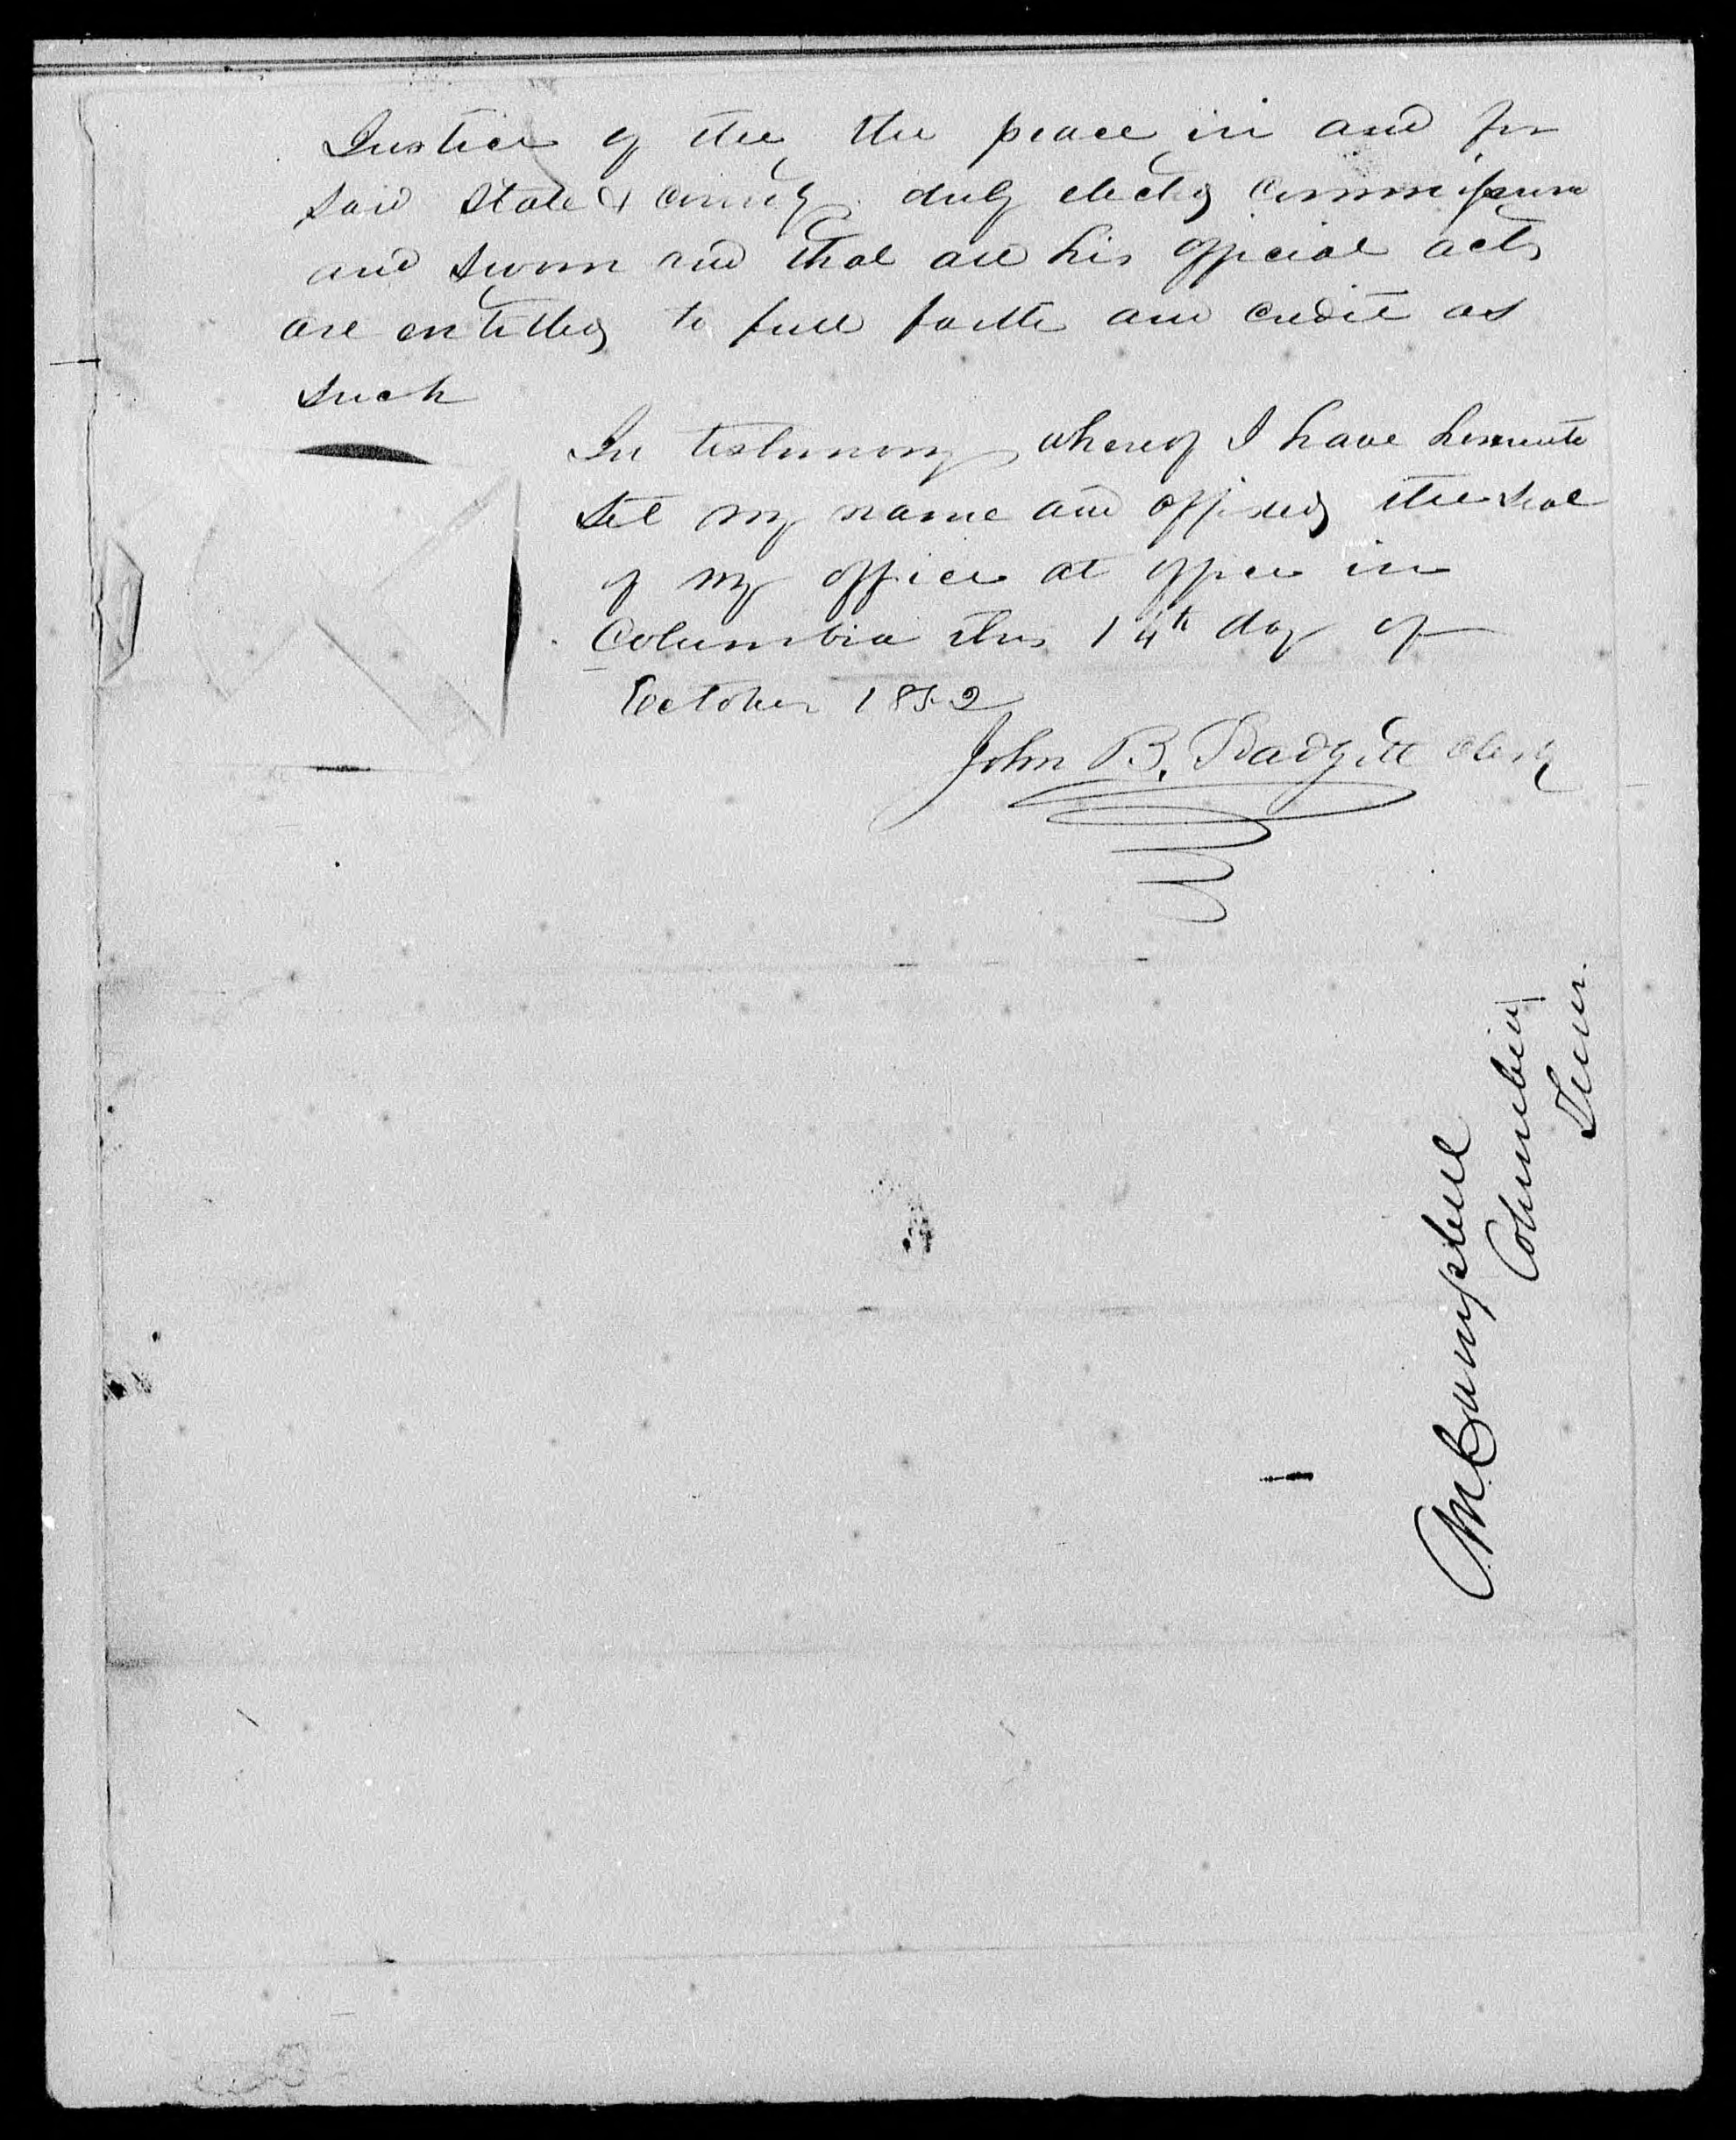Justice of the peace in and for said State & County duly elected commissioned and sworn and that all his official acts are entitled to full faith and credit as such.
(seal)
In testimony whereof I have hereunto set my name and affixed the Seal of my office at office in Columbia this 14th day of October 1852.
                John B. Padgett Clerk

M Campbell
Columbia
(illegible)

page: 7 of 27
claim: rejected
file: R. 5649, for Abner Johnson, North Carolina